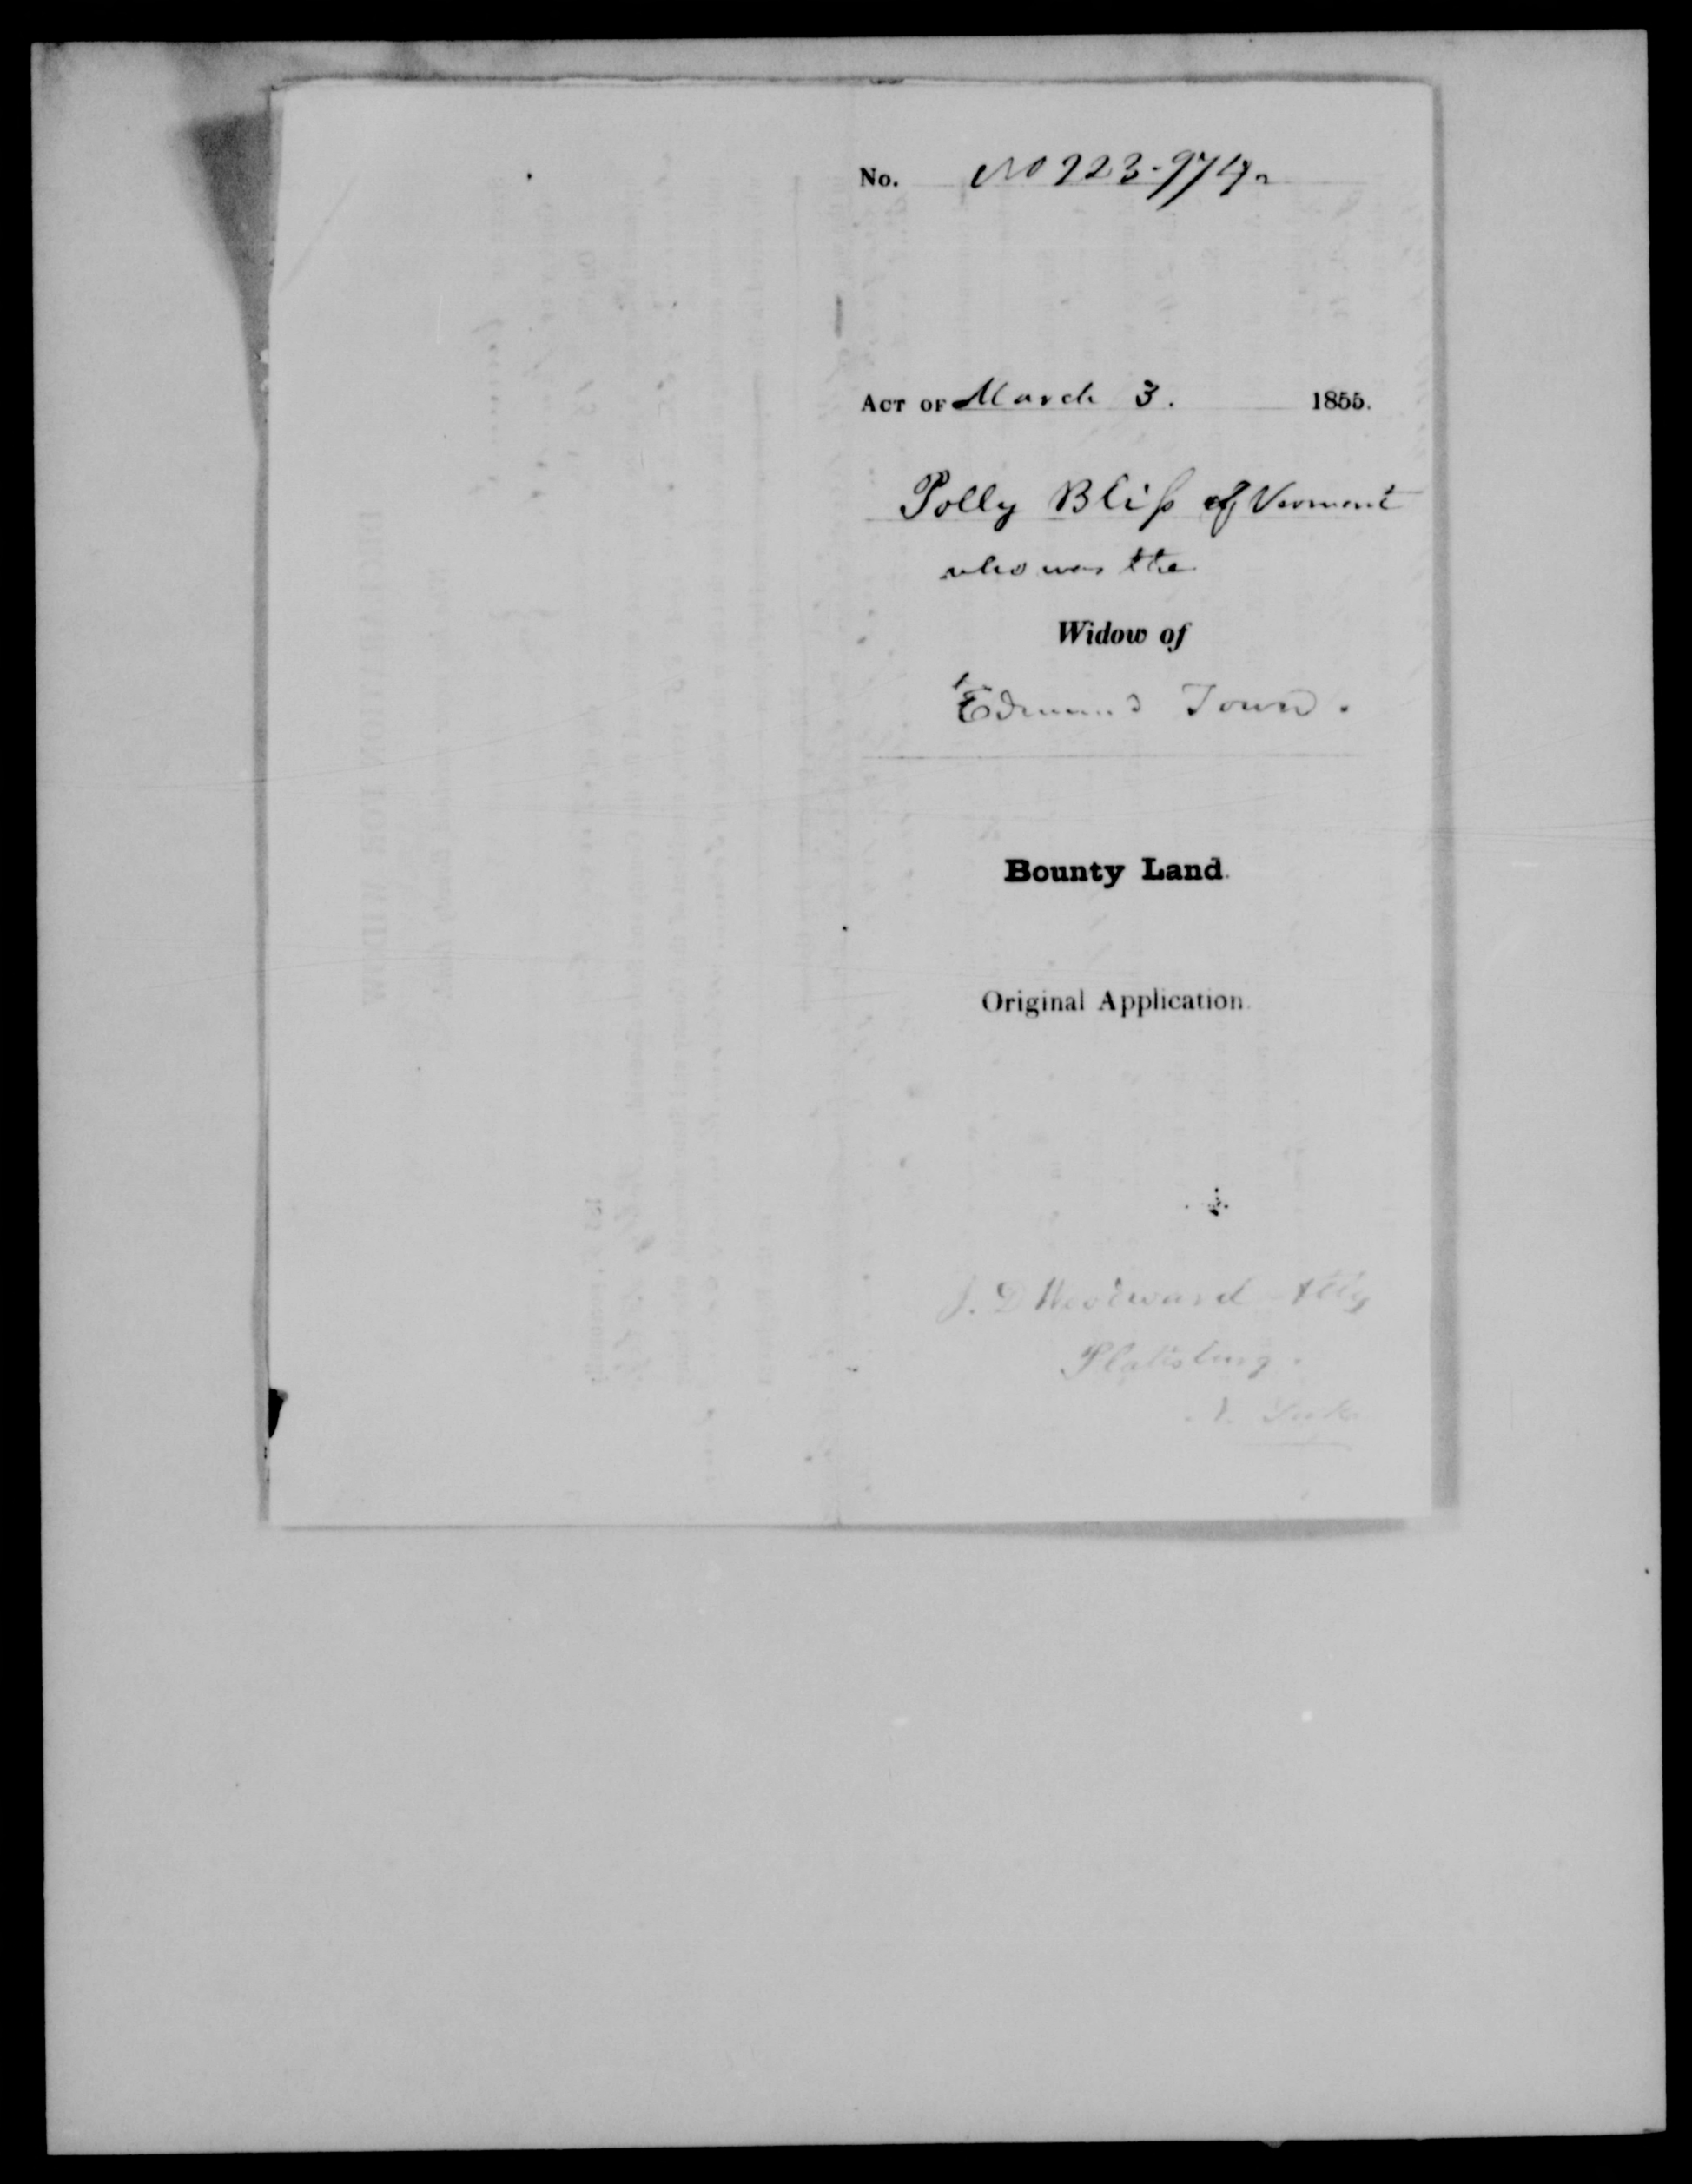No. 223.974

Act of March 3, 1855
Polly Bliss of Vermont
who was the 
Widow of 
Edmund Town

Bounty Land
Original Application

J. D. Woodward Atty.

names: Edmund Town, Polly Bliss, J D Woodward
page: 4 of 64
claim: widow's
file: W. 5831, Edmund Town, Mass.